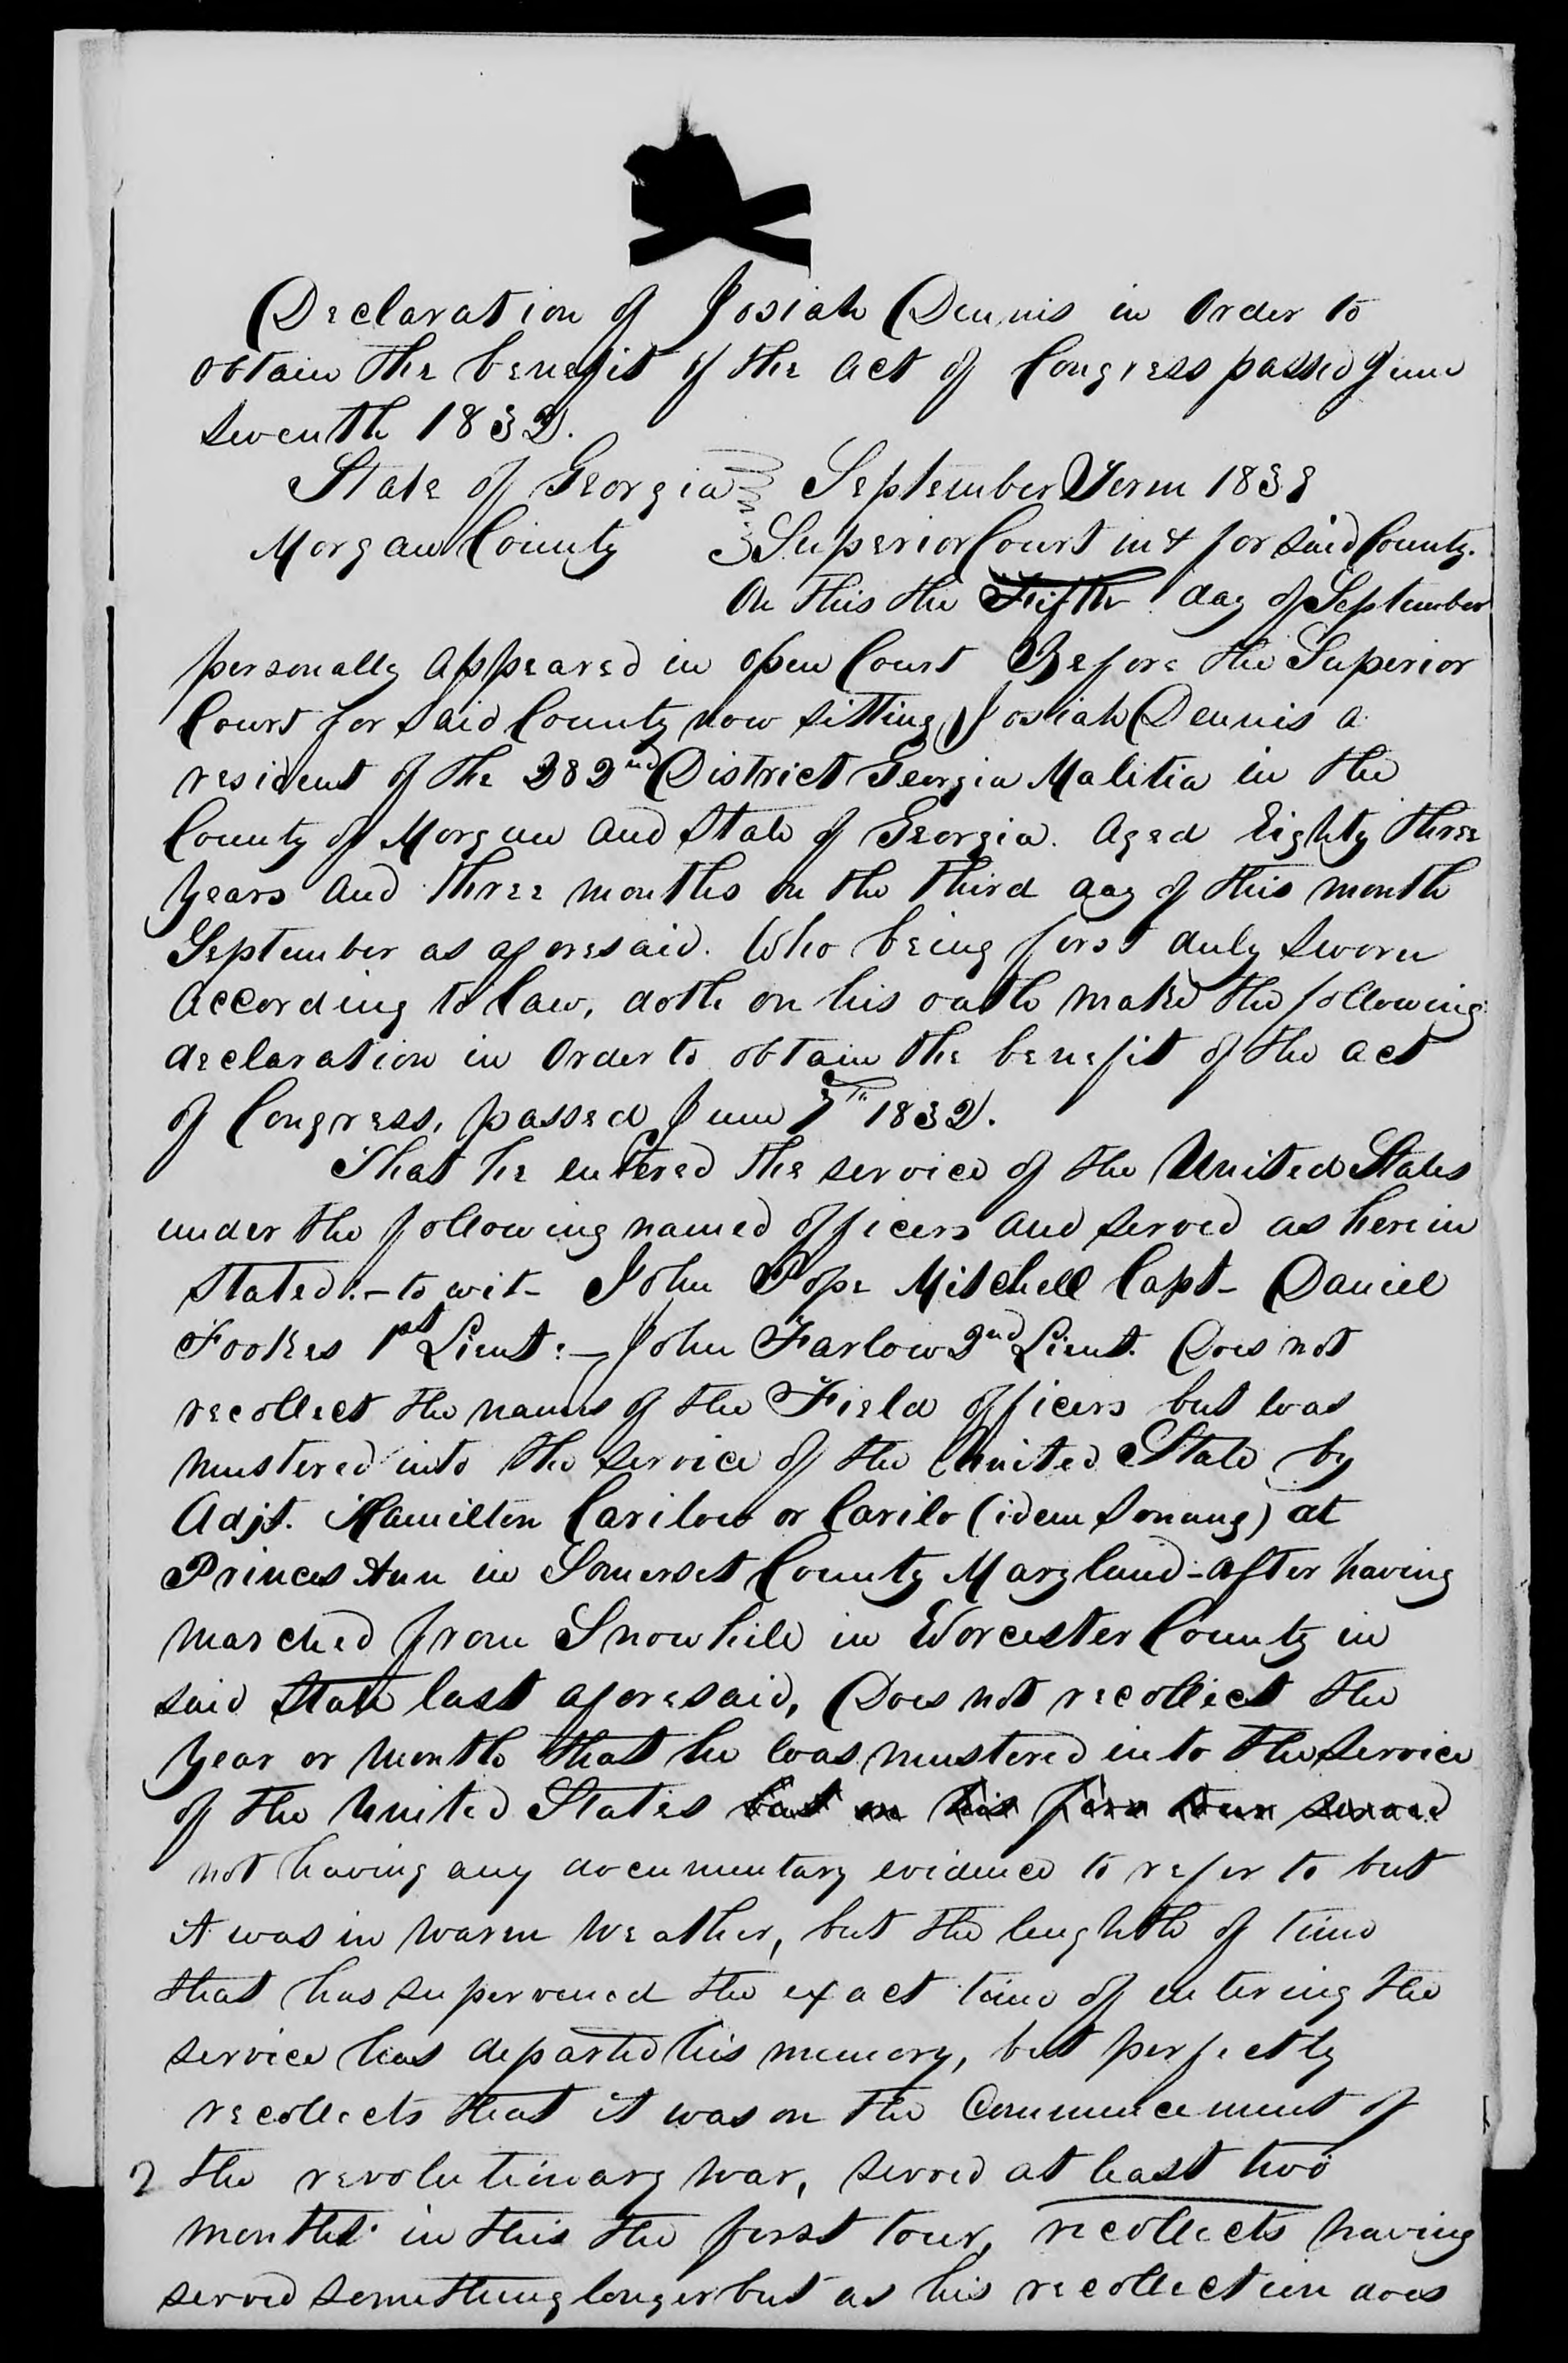Declaration of Josiah Dennis in order to
obtain the benefit of the act of Congress passed June Seventh 1832.

State of Georgia ⎬ September Term 1838
Morgan County     Superior Court in & for said County.
On this the Fifth day of September
personally appeared in open Court before the Superior
Court for said County now sitting Josiah Dennis a
resident of the 282nd District Georgia Militia in the
County of Morgan and State of Georgia aged Eighty three
years and three months on the third day of this month
September as aforesaid. Who being first duly sworn
according to law, doth on his oath make the following
declaration in order to obtain the benefit of the act
of Congress, passed June 7th 1832.
That he entered the service of the United States
under the following named officers and served as herein
stated __  to wit John Pope Mitchell Capt __ Daniel
Fookes 1st Lieut. __ John Farlow 2nd and Lieut Does not
recollect the names of the field officers but was
mustered into the service of the United State by
Adjt. Hamilton Carilow or Carilo (idem sonans) at
Princes Ann in Somerset County Maryland __after having
marched from Snowhill in Worcester County in
said State last aforesaid, does not recollect the
year or month that he was mustered into the service
of the United States [crossed out but in his firm illegible]
not having any documentary evidence to refer to but
it was in warm weather, but the length of time
that has super[illegible] the exact time of entering the
service has departed his memory, but perfectly
recollects that it was on the commencement of
the revolutionary war, served at least two
---
months in this the first tour, recollects having
served something longer but as his recollection does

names: Josiah Dennis, Hamilton Carilo, John Farlow, Daniel Fookes, Hamilton Carilow, Josiah Dennis, John Pope Mitchell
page: 2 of 14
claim: rejected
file: R. 2,877, Josiah Dennis, Md.